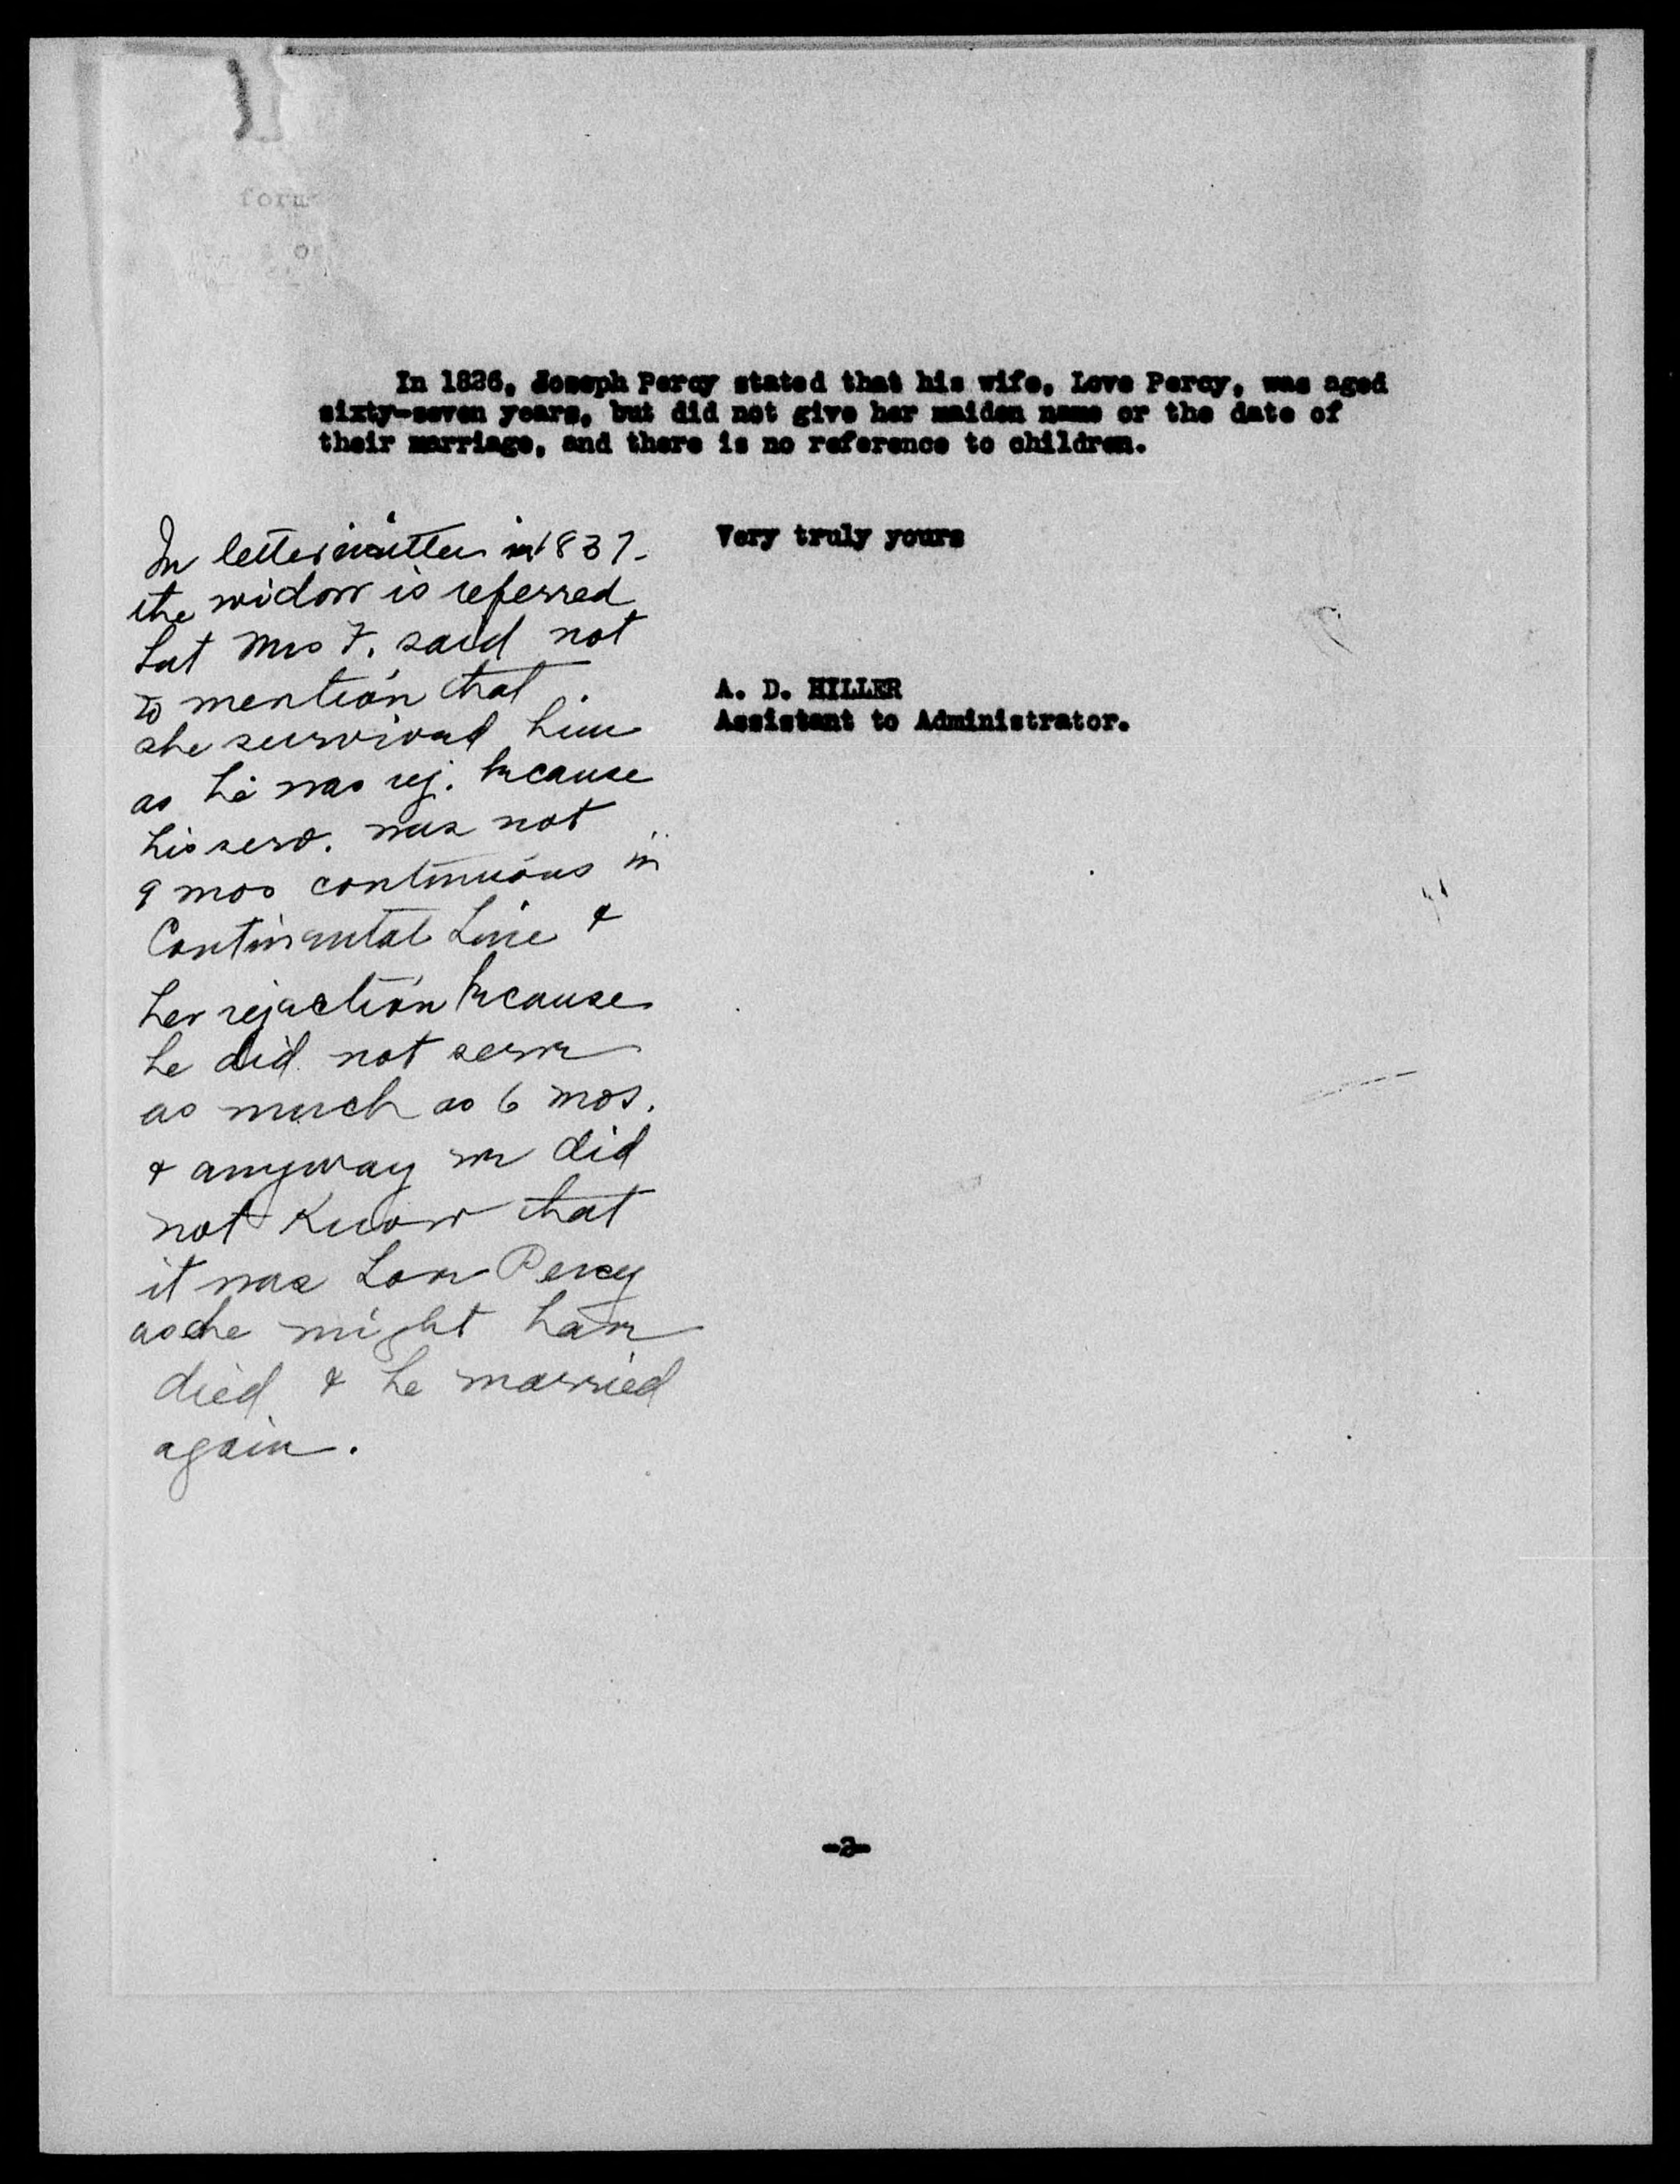In 1826, Joseph Percy stated that his wife, Love Percy, was aged sixty-seven years, but did not give her maiden name or the date of their marriage, and there is no reference to children.

                             Very truly yours

                              A.D. Miller
                              Assistant to Administrator

[Note below handwritten on typed letter]
In letter written in 1837 - the widow is referred but Mrs F. said not to mention that she survived him as he was rej. because his serv. was not 9 mos. continuous in Continental Line and her rejection because he did not serve as much as 6 mos. and anyway we did not know that it was Love Percy as she might have died and he married again.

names: Joseph Percy; A D Hiller; Love Percy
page: 6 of 20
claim: rejected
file: R. 17029, for Joseph Percy, Connecticut